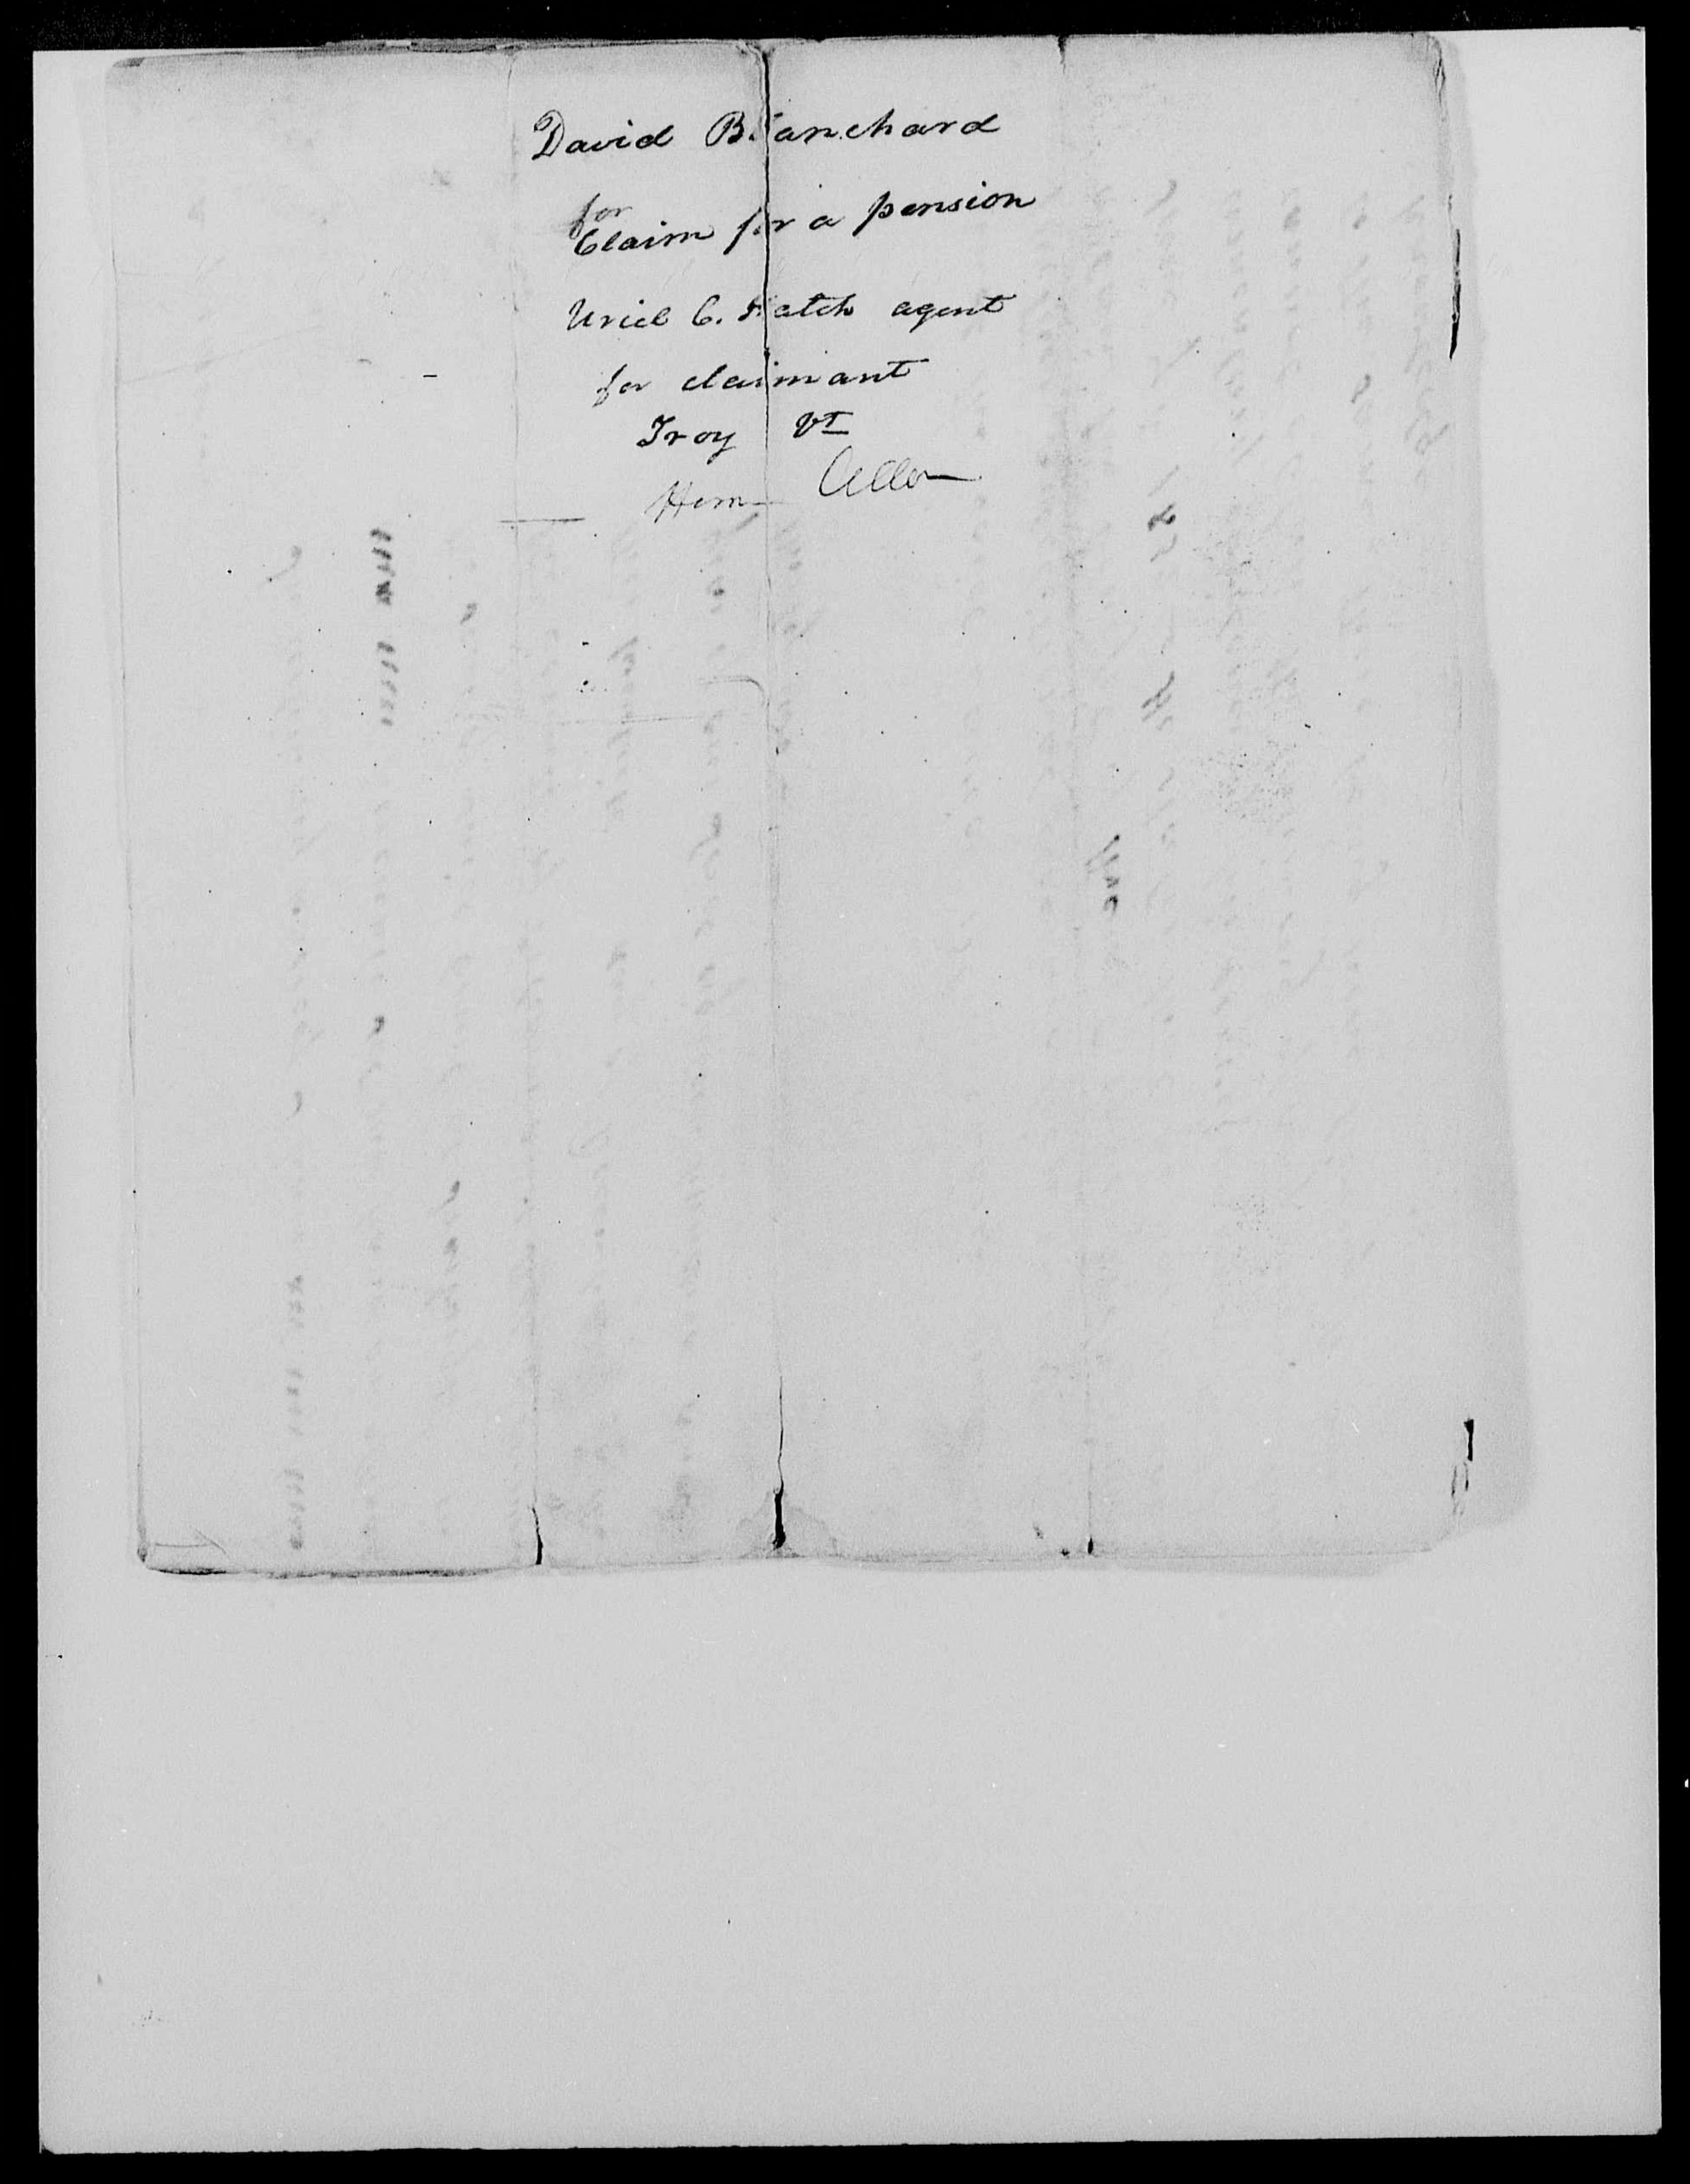David Blanchard
for
Claim for a pension
Uriel G. Hatch Agent
for claimant
Troy Vt
Henry Allen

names: David Blanchard, Henry Allen, Uriel C Hatch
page: 4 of 23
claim: survivor's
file: S. 12237, David Blanchard, N. H.